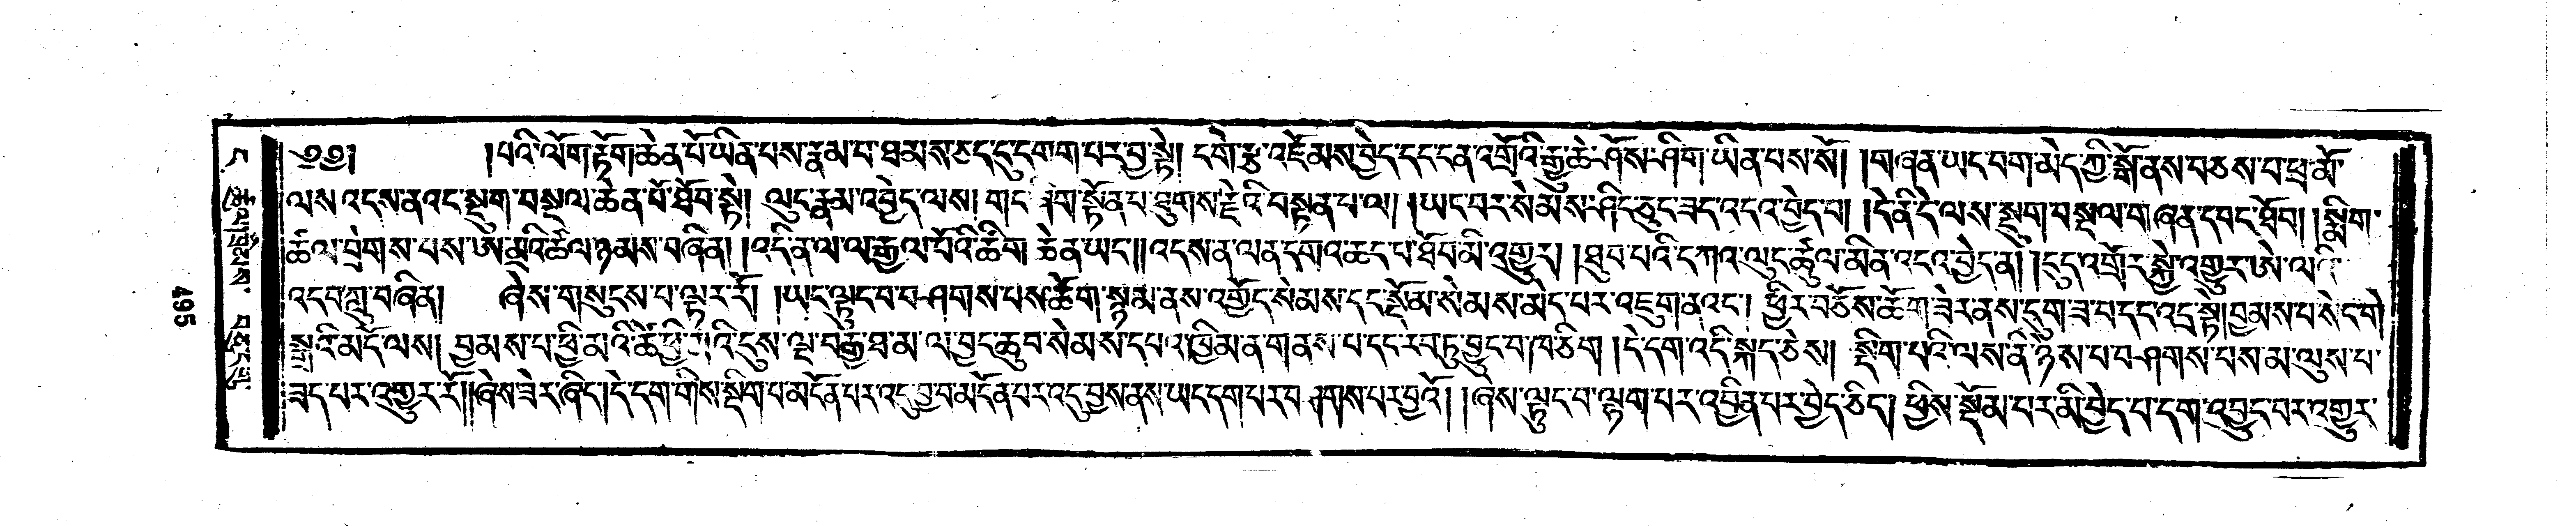༄༅། །པའི་ལོག་རྟོག་ཆེན་པོ་ཡིན་པས་རྣམ་པ་ཐམས་ཅད་དུ་དགག་པར་བྱ་སྟེ། དགེ་རྩ་འཇོམས་བྱེད་དང་ངན་འགྲོའི་རྒྱུ་ཆེ་ཤོས་ཤིག་ཡིན་པས་སོ། །གཞན་ཡང་བག་མེད་ཀྱི་སྒོ་ནས་བཅས་པ་ཕྲ་མོ་
ལས་འདས་ནའང་སྡུག་བསྔལ་ཆེན་པོ་ཐོབ་སྟེ། ལུང་རྣམ་འབྱེད་ལས། གང་ཞིག་སྟོན་པ་ཐུགས་རྗེའི་བསྟན་པ་ལ། །ཡང་བར་སེམས་ཤིང་ཅུང་ཟད་འདའ་བྱེད་པ། །དེ་ནི་དེ་ལས་སྡུག་བསྔལ་གཞན་དབང་ཐོབ། །སྨིག་
ཚལ་བྲེགས་པས་ཨ་མྲའི་ཚལ་ཉམས་བཞིན། །འདི་ན་ལ་ལ་རྒྱལ་པོའི་ཚིག་ཆེན་ཡང་། །འདས་ན་ལན་དགའ་ཆད་པ་ཐོབ་མི་འགྱུར། །ཐུབ་པའི་དཀའ་ལུང་ཚུལ་མིན་འདའ་བྱེད་ན། །དུད་འགྲོར་སྐྱེ་འགྱུར་ཨེ་ལའི་
འདབ་ཀླུ་བཞིན། ཞེས་གསུངས་པ་ལྟར་རོ། །ཡང་ལྟུང་བ་བཤགས་པས་ཆོག་སྙམ་ནས་འགྱོད་སེམས་དང་སྡོམ་སེམས་མེད་པར་འཇུག་ནའང་། ཕྱིར་བཅོས་ཆོག་ཟེར་ནས་དུག་ཟ་བ་དང་འདྲ་སྟེ། བྱམས་པ་སེང་གེ་
སྒྲའི་མདོ་ལས། བྱམས་པ་ཕྱི་མའི་ཚེ་ཕྱི་མའི་དུས་ལྔ་བརྒྱ་ཐ་མ་ལ་བྱང་ཆུབ་སེམས་དཔའ་ཁྱིམ་ན་གནས་པ་དང་རབ་ཏུ་བྱུང་བ་ཁ་ཅིག །དེ་དག་འདི་སྐད་ཅེས། སྡིག་པའི་ལས་ནི་ཉེས་པ་བཤགས་པས་མ་ལུས་པ་
ཟད་པར་འགྱུར་རོ། །ཞེས་ཟེར་ཞིང་། དེ་དག་གིས་སྡིག་པ་མངོན་པར་འདུ་བྱ་བ་མངོན་པར་འདུ་བྱས་ནས་ཡང་དག་པར་བཤགས་པར་བྱའོ། །ཞེས་ལྟུང་བ་ལྷག་པར་འབྱིན་པར་བྱེད་ཅིང་། ཕྱིས་སྡོམ་པར་མི་བྱེད་པ་དག་འབྱུང་བར་འགྱུར་